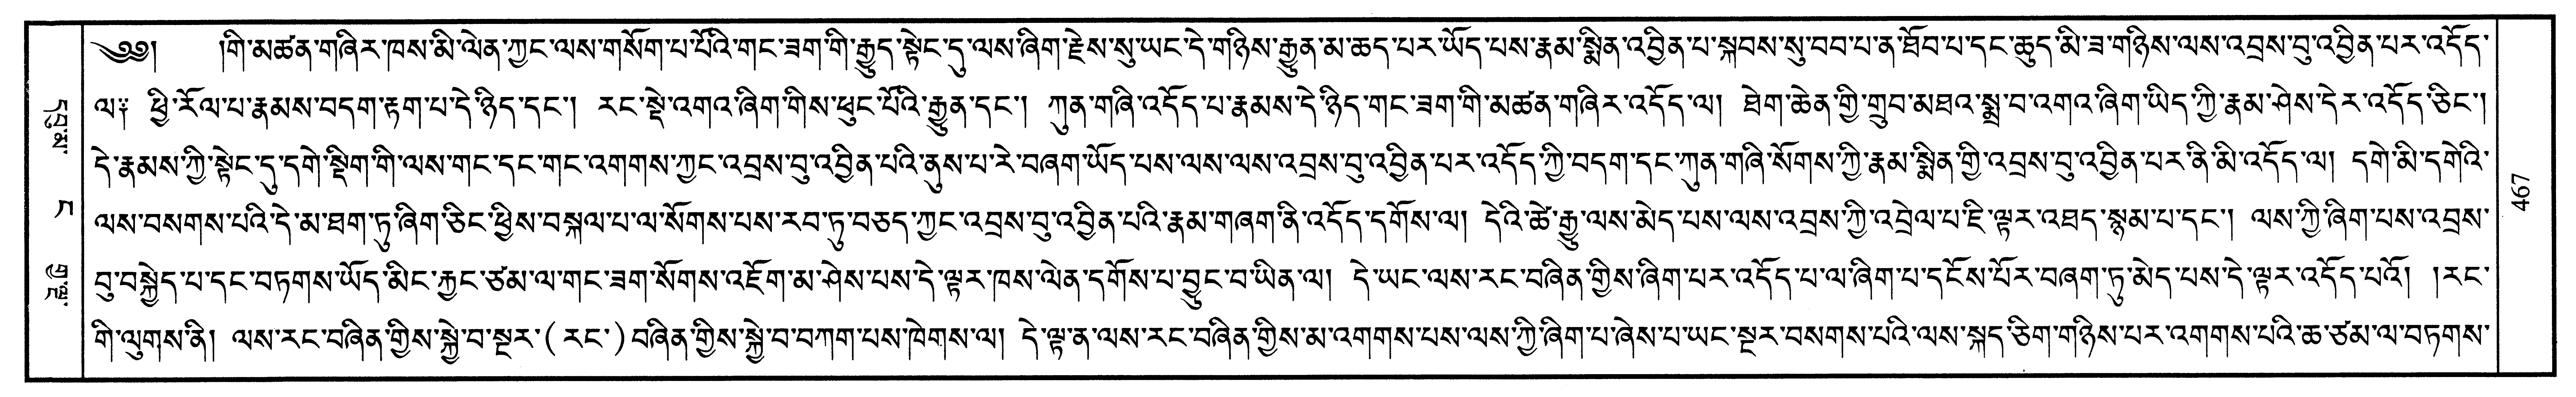༄༅། །གི་མཚན་གཞིར་ཁས་མི་ལེན་ཀྱང་ལགས་གསོག་པ་པོའི་གང་ཟག་གི་རྒྱུད་སྟེང་དུ་ལས་ཞིག་རྗེས་སུ་ཡང་དེ་གཉིས་རྒྱུན་མ་ཆད་པར་ཡོད་པས་རྣམ་སྨིན་འབྱིན་པ་སྐབས་སུ་བབ་པ་ན་ཐོབ་པ་དང་ཆུད་མི་ཟ་གཉིས་ལས་འབྲས་བུ་འབྱིན་པར་འདོད་
ལ༑ ཕྱི་རོལ་པ་རྣམས་བདག་རྟགས་པ་དེ་ཉིད་དང་། རང་སྡེ་འགའ་ཞིག་གིས་ཕུང་པོའི་རྒྱུད་དང་། ཀུན་གཞི་འདོད་པ་རྣམས་དེ་ཉིད་གང་ཟག་གི་མཚན་གཞིར་འདོད་ལ། ཐེག་ཆེན་གྱི་གྲུབ་མཐའ་སྨྲ་བ་འགའ་ཞིག་ཡིད་ཀྱི་རྣམ་ཤེས་དེར་འདོད་ཅིང་།
དེ་རྣམས་ཀྱི་སྟེང་དུ་དགེ་སྡིག་གིས་ལས་གང་དང་གང་འགགས་ཀྱང་འབྲས་བུ་འབྱིན་པའི་ནུས་པར་རེ་བཞག་ཡོད་པས་ལས་ལས་འབྲས་བུ་འབྱིན་པར་འདོད་ཀྱི་བདག་དང་ཀུན་གཞི་སོགས་ཀྱི་རྣམ་སྨིན་གྱི་འབྲས་བུ་འབྱིན་པར་ནི་མི་འདོད་ལ། དགེ་མི་དགེའི་
ལས་བསགས་པའི་དེ་མ་ཐག་ཏུ་ཞིག་ཅིང་ཕྱིས་བསྐལ་པ་ལ་སོགས་པས་རབ་ཏུ་བཅད་ཀྱང་འབྲས་བུ་འབྱིན་པའི་རྣམ་གཞག་ནི་འདོད་དགོས་ལ། དེའི་ཚེ་རྒྱུ་ལས་མེད་པས་ལས་འབྲས་ཀྱི་འབྲེལ་བ་ཇི་ལྟར་འཐད་སྙམ་པ་དང་། ལས་ཀྱི་ཞིག་པས་འབྲས་
བུ་བསྐྱེད་པ་དང་བཏགས་ཡོད་མིང་རྐྱང་ཙམ་ལ་གང་ཟག་སོགས་འཇོག་མ་ཤེས་པས་དེ་ལྟར་ཁས་ལེན་དགོས་པ་བྱུང་བ་ཡིན་ལ། དེ་ཡང་ལས་རང་བཞིན་གྱིས་ཞིག་པར་འདོད་པ་ལ་ཞིག་པ་དངོས་པོར་བཞག་ཏུ་མེད་པས་དེ་ལྟར་འདོད་པའོ། །རང་
གི་ལུགས་ནི། ལས་རང་བཞིན་གྱིས་སྐྱེ་བ་སྔར་རང་བཞིན་གྱིས་སྐྱེ་བ་བཀག་པས་ཁེགས་ལ། དེ་ལྟ་ན་ལས་རང་བཞིན་གྱིས་མ་འགགས་པས་ལས་ཀྱི་ཞིག་པ་ཞེས་པ་ཡང་སྔར་བསགས་པའི་ལས་སྐད་ཅིག་གཉིས་པར་འགགས་པའི་ཆ་ཙམ་ལ་བཏགས་